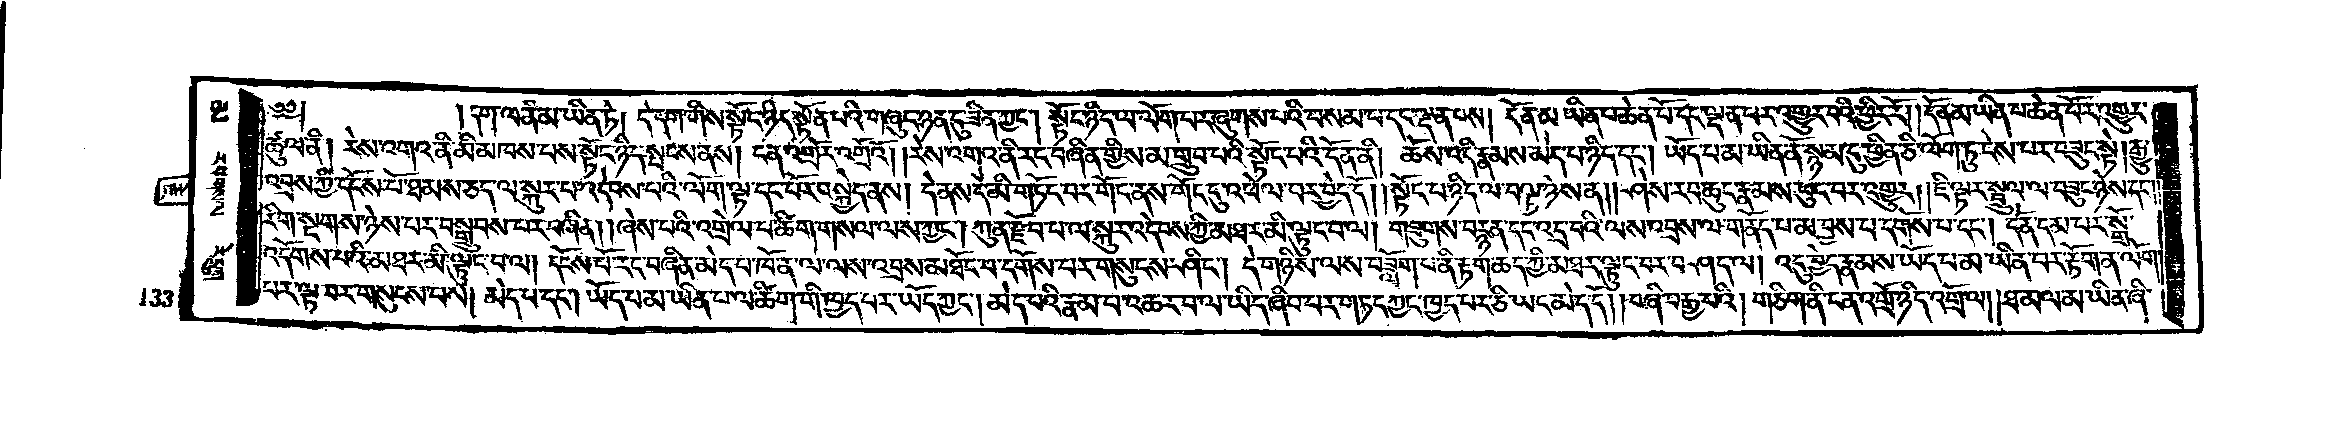༄༅། །དག་ལ་ནི་མ་ཡིན་ཏེ། དེ་དག་གིས་སྟོང་ཉིད་སྟོན་པའི་གཞུང་ཉན་དུ་ཟིན་ཀྱང་། སྟོང་ཉིད་ལ་ལོག་པར་ཞུགས་པའི་བསམ་པ་དང་ལྡན་པས། དོན་མ་ཡིན་པ་ཆེན་པོ་དང་ལྡན་པར་འགྱུར་བའི་ཕྱིར་རོ། །དོན་མ་ཡིན་པ་ཆེན་པོར་འགྱུར་
ཚུལ་ནི། རེས་འགའ་ནི་མི་མཁས་པས་སྟོང་ཉིད་སྤངས་ནས། ངན་འགྲོར་འགྲོའོ། །རེས་འགའ་ནི་རང་བཞིན་གྱིས་མ་གྲུབ་པའི་སྟོང་པའི་དོན་ནི། ཆོས་འདི་རྣམས་མེད་པ་ཉིད་དང་། ཡོད་པ་མ་ཡིན་ནོ་སྙམ་དུ་ཕྱིན་ཅི་ལོག་ཏུ་ངེས་པར་བཟུང་སྟེ། རྒྱུ་
འབྲས་ཀྱི་དངོས་པོ་ཐམས་ཅད་ལ་སྐུར་པ་འདེབས་པའི་ལོག་ལྟ་དང་པོར་བསྐྱེད་ནས། དེ་ནས་དེ་མི་གཏོང་བར་གོང་ནས་གོང་དུ་འཕེལ་བར་བྱེད་དོ། །སྟོང་པ་ཉིད་ལ་བལྟ་ཉེས་ན། །ཤེས་རབ་ཆུང་རྣམས་ཕུང་བར་འགྱུར། །ཇི་ལྟར་སྦྲུལ་ལ་བཟུང་ཉེས་དང་། །
རིག་སྔགས་ཉེས་པར་བསྒྲུབས་པར་བཞིན། །ཞེས་པའི་འགྲེལ་པ་ཚིག་གསལ་ལས་ཀྱང་། ཀུན་རྫོབ་པ་ལ་སྐུར་འདེབས་ཀྱི་མཐར་མི་ལྟུང་བ་ལ། གཟུགས་བརྙན་དང་འདྲ་བའི་ལས་འབྲས་ལ་གནོད་པ་མ་བྱས་པ་དགོས་པ་དང་། དོན་དམ་པར་སྒྲོ་
འདོགས་པའི་མཐར་མི་ལྟུང་བ་ལ། དངོས་པོ་རང་བཞིན་མེད་པ་ཁོ་ན་ལ་ལས་འབྲས་མཐོང་བ་དགོས་པར་གསུངས་ཤིང་། དེ་གཉིས་ལས་བཟློག་པ་ནི་རྟག་ཆད་ཀྱི་མཐར་ལྟུང་བར་བཤད་ལ། འདུ་བྱེད་རྣམས་ཡོད་པ་མ་ཡིན་པར་རྟོག་ན་ལོག་
པར་ལྟ་བར་གསུངས་པས། མེད་པ་དང་། ཡོད་པ་མ་ཡིན་པ་ལ་ཚིག་གི་ཁྱད་པར་ཡོད་ཀྱང་། མེད་པའི་རྣམ་པ་འཆར་བ་ལ་ཡིད་ཞིབ་པར་གཏད་ཀྱང་ཁྱད་པར་ཅི་ཡང་མེད་དོ། །བཞི་བརྒྱ་པའི། གཅིག་ནི་ངན་འགྲོ་ཉིད་འགྲོ་ལ། །ཐ་མལ་མ་ཡིན་ཞི་